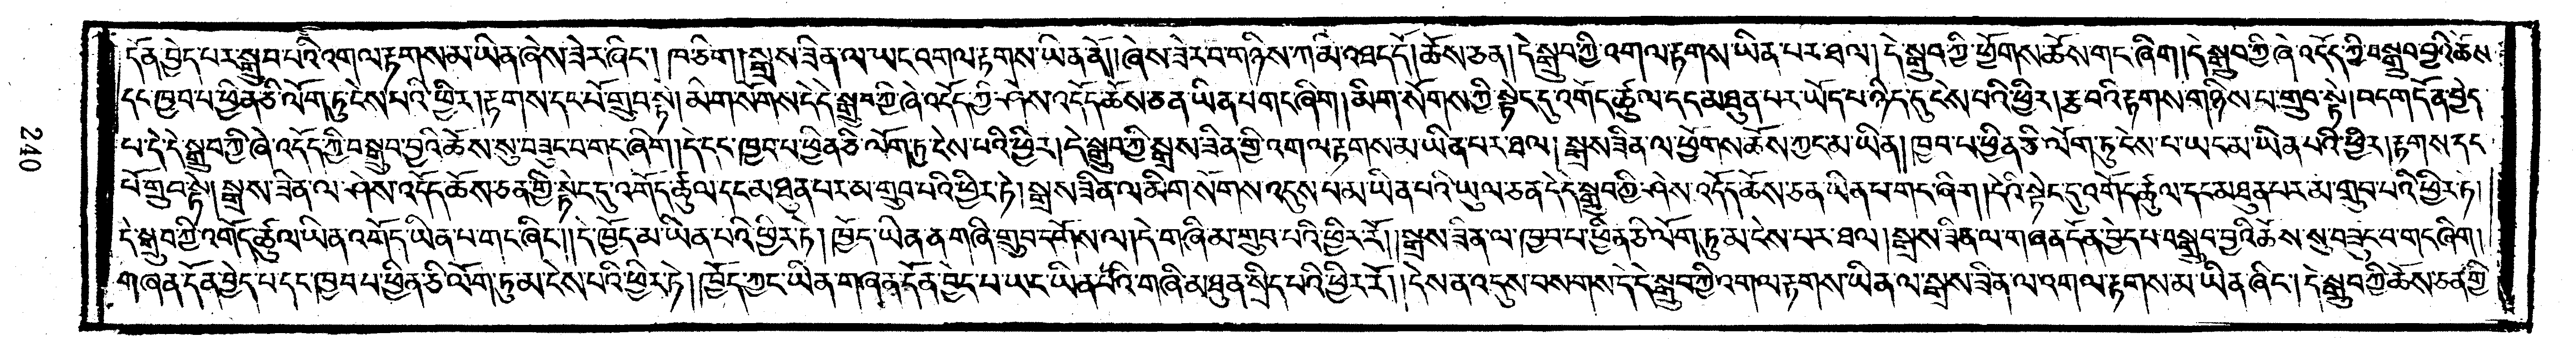དོན་བྱེད་པར་སྒྲུབ་པའི་འགལ་རྟགས་མ་ཡིན་ཞེས་ཟེར་ཞིང་། ཁ་ཅིག །སྒྲས་ཟིན་ལ་ཡང་འགལ་རྟགས་ཡིན་ནོ། །ཞེས་ཟེར་བ་གཉིས་ཀ་མི་འཐད་དེ། ཆོས་ཅན། དེ་སྒྲུབ་ཀྱི་འགལ་རྟགས་ཡིན་པར་ཐལ། དེ་སྒྲུབ་ཀྱི་ཕྱོགས་ཆོས་གང་ཞིག །དེ་སྒྲུབ་ཀྱི་ཞེ་འདོད་ཀྱི་བསྒྲུབ་བྱའི་ཆོས་
དང་ཁྱབ་པ་ཕྱིན་ཅི་ལོག་ཏུ་ངེས་པའི་ཕྱིར། རྟགས་དང་པོ་གྲུབ་སྟེ། མིག་སོགས་དེ་དེ་སྒྲུབ་ཀྱི་ཞེ་འདོད་ཀྱི་ཤས་འདོད་ཆོས་ཅན་ཡིན་པ་གང་ཞིག །མིག་སོགས་ཀྱི་སྟེང་དུ་འགོད་ཚུལ་དང་མཐུན་པར་ཡོད་པ་ཉིད་དུ་ངེས་པའི་ཕྱིར། རྩ་བའི་རྟགས་གཉིས་པ་གྲུབ་སྟེ། བདག་དོན་བྱེད་
པ་དེ་དེ་སྒྲུབ་ཀྱི་ཞེ་འདོད་ཀྱི་བསྒྲུབ་བྱའི་ཆོས་སུ་བཟུང་བ་གང་ཞིག །དེ་དང་ཁྱབ་པ་ཕྱིན་ཅི་ལོག་ཏུ་ངེས་པའི་ཕྱིར། དེ་སྒྲུབ་ཀྱི་སྒྲས་ཟིན་གྱི་འགལ་རྟགས་མ་ཡིན་པར་ཐལ། སྒྲས་ཟིན་ལ་ཕྱོགས་ཆོས་ཀྱང་མ་ཡིན། ཁྱབ་པ་ཕྱིན་ཅི་ལོག་ཏུ་ངེས་པ་ཡང་མ་ཡིན་པའི་ཕྱིར། རྟགས་དང་
པོ་གྲུབ་སྟེ། སྒྲས་ཟིན་ལ་ཤེས་འདོད་ཆོས་ཅན་གྱི་སྟེང་དུ་འགོད་ཚུལ་དང་མཐུན་པར་མ་གྲུབ་པའི་ཕྱིར་ཏེ། སྒྲས་ཟིན་ལ་མིག་སོགས་འདུས་པ་མ་ཡིན་པའི་ཡུལ་ཅན་དེ་དེ་སྒྲུབ་ཀྱི་ཤེས་འདོད་ཆོས་ཅན་ཡིན་པ་གང་ཞིག །དེའི་སྟེང་དུ་འགོད་ཚུལ་དང་མཐུན་པར་མ་གྲུབ་པའི་ཕྱིར་ཏེ།
དེ་སྒྲུབ་ཀྱི་འགོད་ཚུལ་ཡིན་འགོད་ཡིན་པ་གང་ཞིག །དེ་ཁྱོད་མ་ཡིན་པའི་ཕྱིར་ཏེ། ཁྱོད་ཡིན་ན་གཞི་གྲུབ་དགོས་ལ། དེ་གཞི་མ་གྲུབ་པའི་ཕྱིར་རོ། །སྒྲས་ཟིན་ལ་ཁྱབ་པ་ཕྱིན་ཅི་ལོག་ཏུ་མ་ངེས་པར་ཐལ། སྒྲས་ཟིན་ལ་གཞན་དོན་བྱེད་པ་བསྒྲུབ་བྱའི་ཆོས་སུ་བཟུང་བ་གང་ཞིག །
གཞན་དོན་བྱེད་པ་དང་ཁྱབ་པ་ཕྱིན་ཅི་ལོག་ཏུ་མ་ངེས་པའི་ཕྱིར་ཏེ། ཁྱོད་ཀྱང་ཡིན་གཞན་དོན་བྱེད་པ་ཡང་ཡིན་པའི་གཞི་མཐུན་སྲིད་པའི་ཕྱིར་རོ། །དེས་ན་འདུས་བསགས་དེ་དེ་སྒྲུབ་ཀྱི་འགལ་རྟགས་ཡིན་ལ་སྒྲས་ཟིན་ལ་འགལ་རྟགས་མ་ཡིན་ཞིང་། དེ་སྒྲུབ་ཀྱི་ཆོས་ཅན་གྱི་